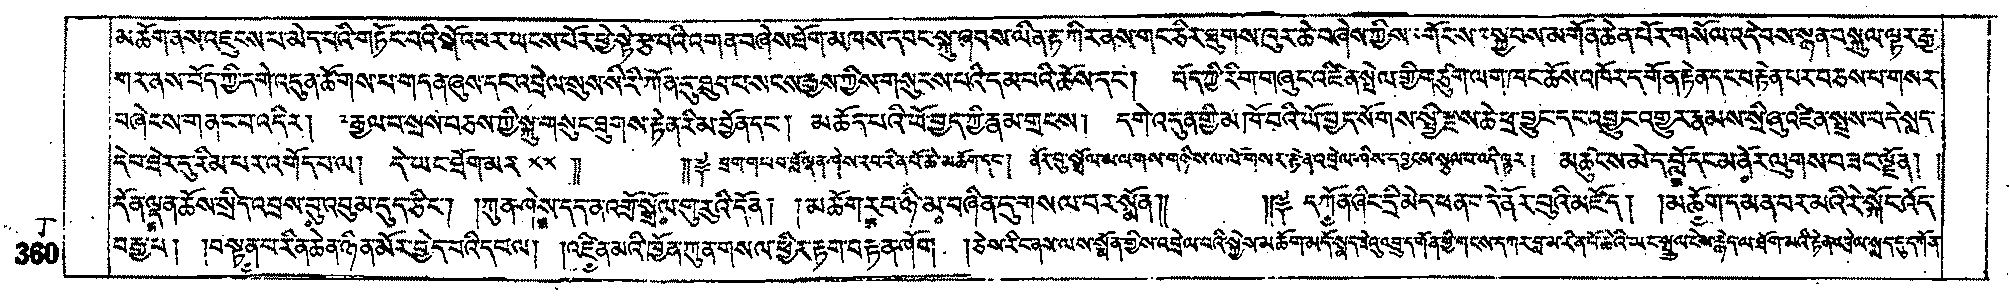མཆོག་ནས་འཇུངས་པ་མེད་པའི་གཏོང་པའི་སྒོ་འཕར་ཡངས་པོར་ཕྱེ་སྟེ་རྩ་བའི་འགན་བཞེས་ཐོག་མཁས་དབང་སྐུ་ཞབས་ལིན་རྟ་ཀིར་ནས་གང་ཅིར་ཐུགས་ཁུར་ཆེ་བཞེས་ཀྱིས ༧གོང་ས ༧སྐྱབས་མགོན་ཆེན་པོར་གསོལ་འདེབས་སྙན་བསྐུལ་ལྟར་རྒྱ་
གར་ནས་བོད་ཀྱི་དགེ་འདུན་ཚོགས་པ་གདན་ཞུས་དང་འབྲེལ་སུས་སི་རི་ཀོན་དུ་ཐུབ་པ་སངས་རྒྱས་ཀྱིས་གསུངས་པའི་དམ་པའི་ཆོས་དང་། བོད་ཀྱི་རིག་གཞུང་འཛིན་སྤེལ་གྱི་གཙུག་ལག་ཁང་ཆོས་འཁོར་དགོན་རྟེན་དང་བརྟེན་པར་བཅས་པ་གསར་
བཞེངས་གནང་བ་འདིར། ༧རྒྱལ་བ་སྲས་བཅས་ཀྱི་སྐུ་གསུང་ཐུགས་རྟེན་རིམ་བྱོན་དང་། མཆོད་པའི་ཡོ་བྱད་ཀྱི་རྣམ་གྲངས། དགེ་འདུན་གྱི་མཁོ་བའི་ཡོ་བྱད་སོགས་སྤྱི་རྫས་ཆེ་ཕྲ་བྱུང་དང་འབྱུང་འགྱུར་རྣམས་སྲི་ཞུ་འཛིན་སྤྲས་བདེ་སླད་
དེབ་ཐེར་དུ་རིམ་པར་འགོད་པ་ལ། དེ་ཡང་ཐོག་མར་྾་྾་།། །།འ་བྲག་གཡབ་བློ་ལྡན་ཤེས་རབ་རིན་པོ་ཆེ་མཆོག་དང་། ནོར་བུ་སྒྲོལ་མ་ལགས་གཉིས་ལ་ལོ་གསར་རྟེན་འབྲེལ་ཤིས་དབྱངས་སྩལ་བ་འདི་ལྟར།  མཚུངས་མེད་བློ་དང་མ་ནོར྾་ལུགས་བཟང་ལྗོན། །
དོན་ལྡན་ཆོས་སྲིད་འབྲས་བུ྾་འབུམ་དུད་ཅིང་། །ཀུན་ཤེས་དད་ན་འགྲོ་སྒྲོལ྾་གུ་རུའི་དོན། །མཆོག་རབ་ཉི་མ྾་བཞིན་དུ་གསལ་བར་སྨོན།། །།འ་དཀོན་ཞིང་དྲི་མེད་ཕན་བདེ་ནོར་བུའི་མཛོད། །མཆོག་དམན་བར་མའི་རེ་སྐོང་འོད་
བརྒྱ་པ། །བསྟན་པ་རིན་ཆེན་ཉིན་མོར་བྱེད་པའི་དཔལ། །འཛིན་མའི་ཁྱོན་ཀུན་གསལ་ཕྱིར་རྟག་བརྟེན་ཤོག །ཅེས་རིང་ནས་ལས་སྨོན་གྱིས་འབྲེལ་བའི་སྐྱེས་མཆོག་མདོ་སྨད་ཟེའུ་འབྲུ་དགོན་གྱི་གངས་དཀར་བླ་མ་རིན་པོ་ཆེའི་ཡང་སྤྲུལ་ངེས་རྙེད་ལ་ཐོག་མའི་རྟེན་འབྲེལ་སླད་དུ་དཀོན་